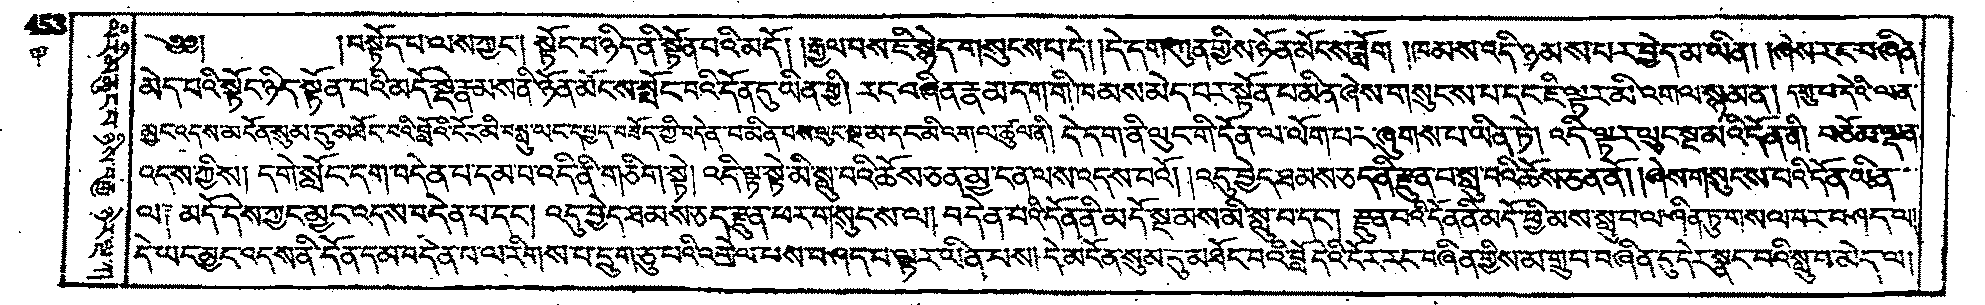༄༅། །བསྟོད་པ་ལས་ཀྱང་། སྟོང་བ་ཉིད་ནི་སྟོན་པའི་མདོ། །རྒྱལ་བས་ཇི་སྙེད་གསུངས་པ་དེ། །དེ་དག་ཀུན་གྱིས་ཉོན་མོངས་ཟློག། །ཁམས་འདི་ཉམས་པར་བྱེད་མ་ཡིན། །ཞེས་རང་བཞིན་
མེད་པའི་སྟོང་ཉིད་སྟོན་པའི་མདོ་སྡེ་རྣམས་ནི་ཉོན་མོངས་སྤོང་བའི་དོན་དུ་ཡིན་གྱི། རང་བཞིན་རྣམ་དག་གི་ཁམས་མེད་པར་སྟོན་པ་མིན་ཞེས་གསུངས་པ་དང་ཇི་ལྟར་མི་འགལ་སྙམ་ན། དགུ་པ་དེའི་ལན་
མྱང་འདས་མངོན་སུམ་དུ་མཐོང་བའི་བློའི་ངོར་མི་བསླུ་ཡང་དཔྱད་བཟོད་ཀྱི་བདེན་པ་མིན་པས་ལུང་སྔ་མ་དང་མི་འགལ་ཚུལ་ནི། དེ་དག་ནི་ལུང་གི་དོན་ལ་ལོག་པར་ཞུགས་པ་ཡིན་ཏེ། འདི་ལྟར་ལུང་སྔ་མའི་དོན་ནི། བཅོམ་ལྡན་
འདས་ཀྱིས། དགེ་སློང་དག་བདེན་པ་དམ་པ་འདི་ནི་གཅིག་སྟེ། འདི་ལྟ་སྟེ་མི་སླུ་བའི་ཆོས་ཅན་མྱ་ངན་ལས་འདས་པའོ། །འདུ་བྱེད་ཐམས་ཅད་ནི་རྫུན་པ་སླུ་བའི་ཆོས་ཅན་ནོ། །ཞེས་གསུངས་པའི་དོན་ཡིན་
ལ༑ མདོ་དེས་ཀྱང་མྱང་འདས་བདེན་པ་དང་། འདུ་བྱེད་ཐམས་ཅད་རྫུན་ཕར་གསུངས་ལ། བདེན་པའི་དོན་ནི་མདོ་སྔ་མས་མི་སླུ་བ་དང་། རྫུན་པའི་དོན་ནི་མདོ་ཕྱི་མས་སླུ་བ་ལ་ཤིན་ཏུ་གསལ་བར་བཤད་ལ།
དེ་ཡང་མྱང་འདས་ནི་དོན་དམ་བདེན་པ་ལ་རིགས་པ་དྲུག་ཅུ་པའི་འགྲེལ་པས་བཤད་པ་ལྟར་ཡིན་པས། དེ་མངོན་སུམ་དུ་མཐོང་བའི་བློ་དེའི་ངོར་རང་བཞིན་གྱིས་མ་གྲུབ་བཞིན་དུ་དེར་སྣང་བའི་སླུ་བ་མེད་ལ།